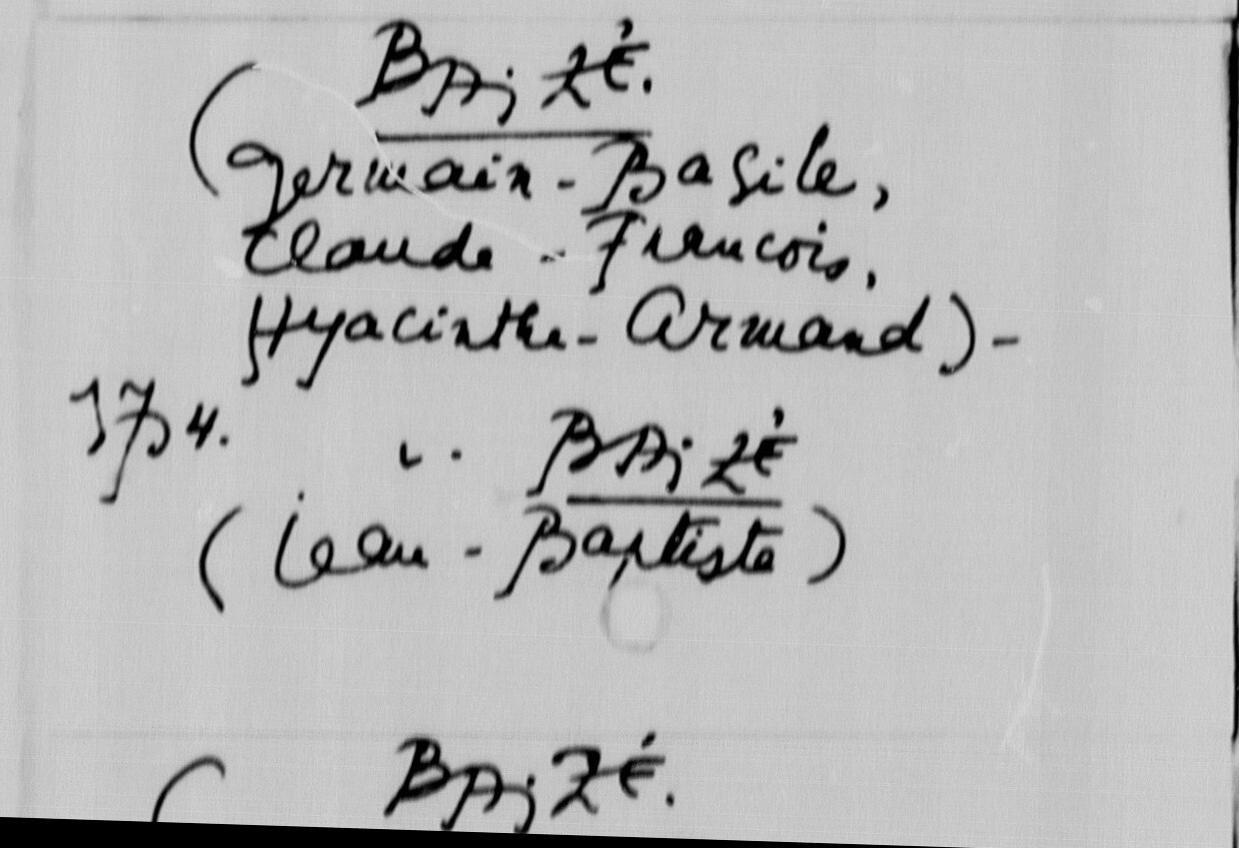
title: BAIZÉ (Germain-Basile, Claude-François, Hyacinthe-Armand)
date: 1704
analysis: Voir BAIZÉ (Jean-Baptiste)
